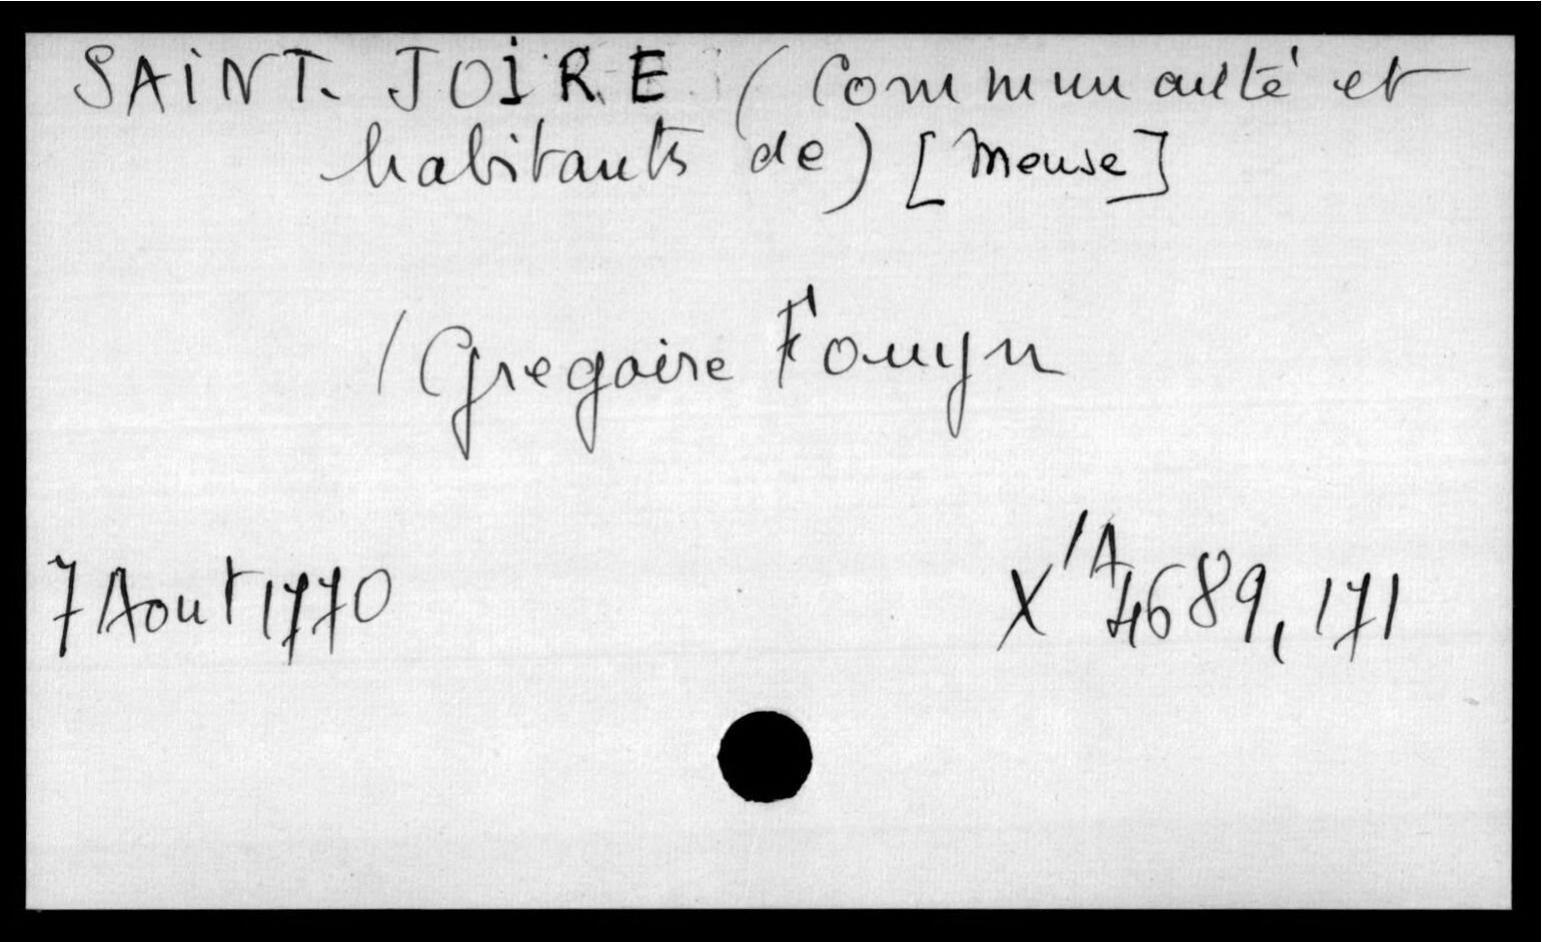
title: SAINT-JOIRE (Communauté et habitants de) [Meuse]
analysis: Contre Grégoire Fouyn
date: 7 août 1770
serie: X1A
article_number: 4689
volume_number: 171
